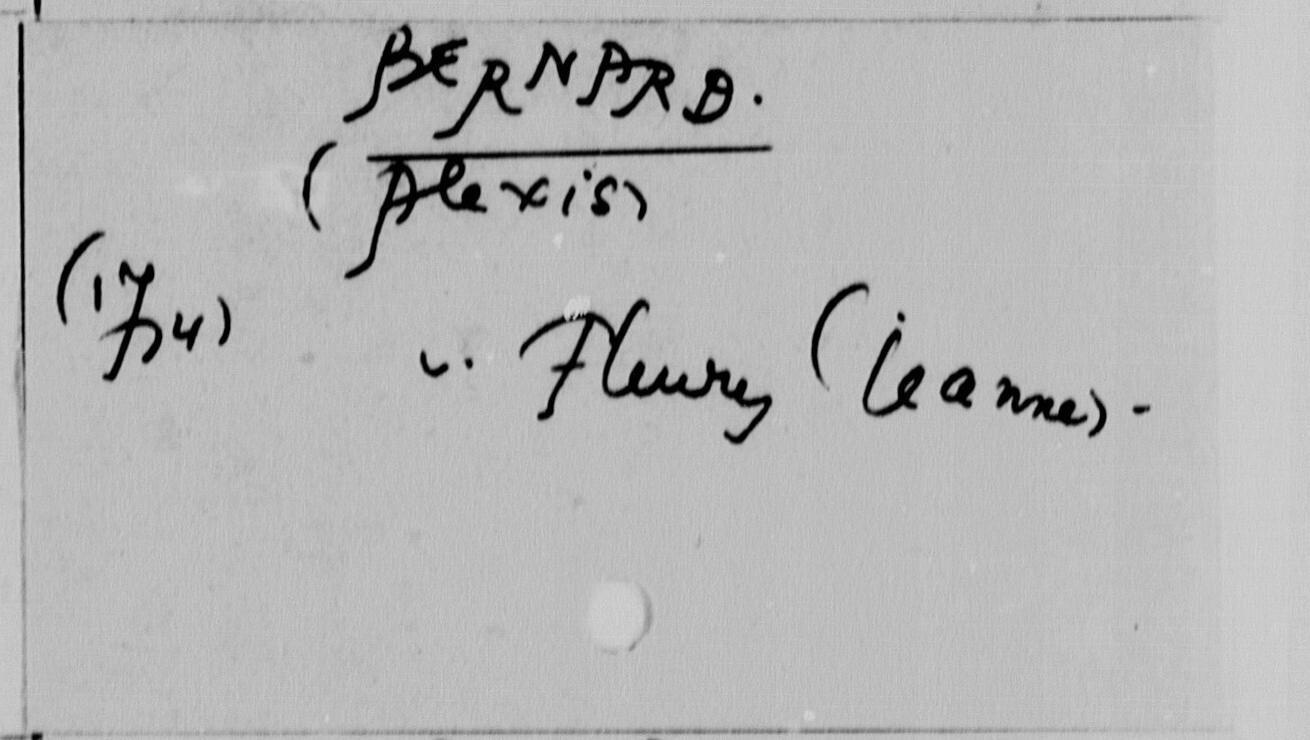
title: BERNARD (Alexis)
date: (1704)
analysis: Voir Fleury (Jeanne)
